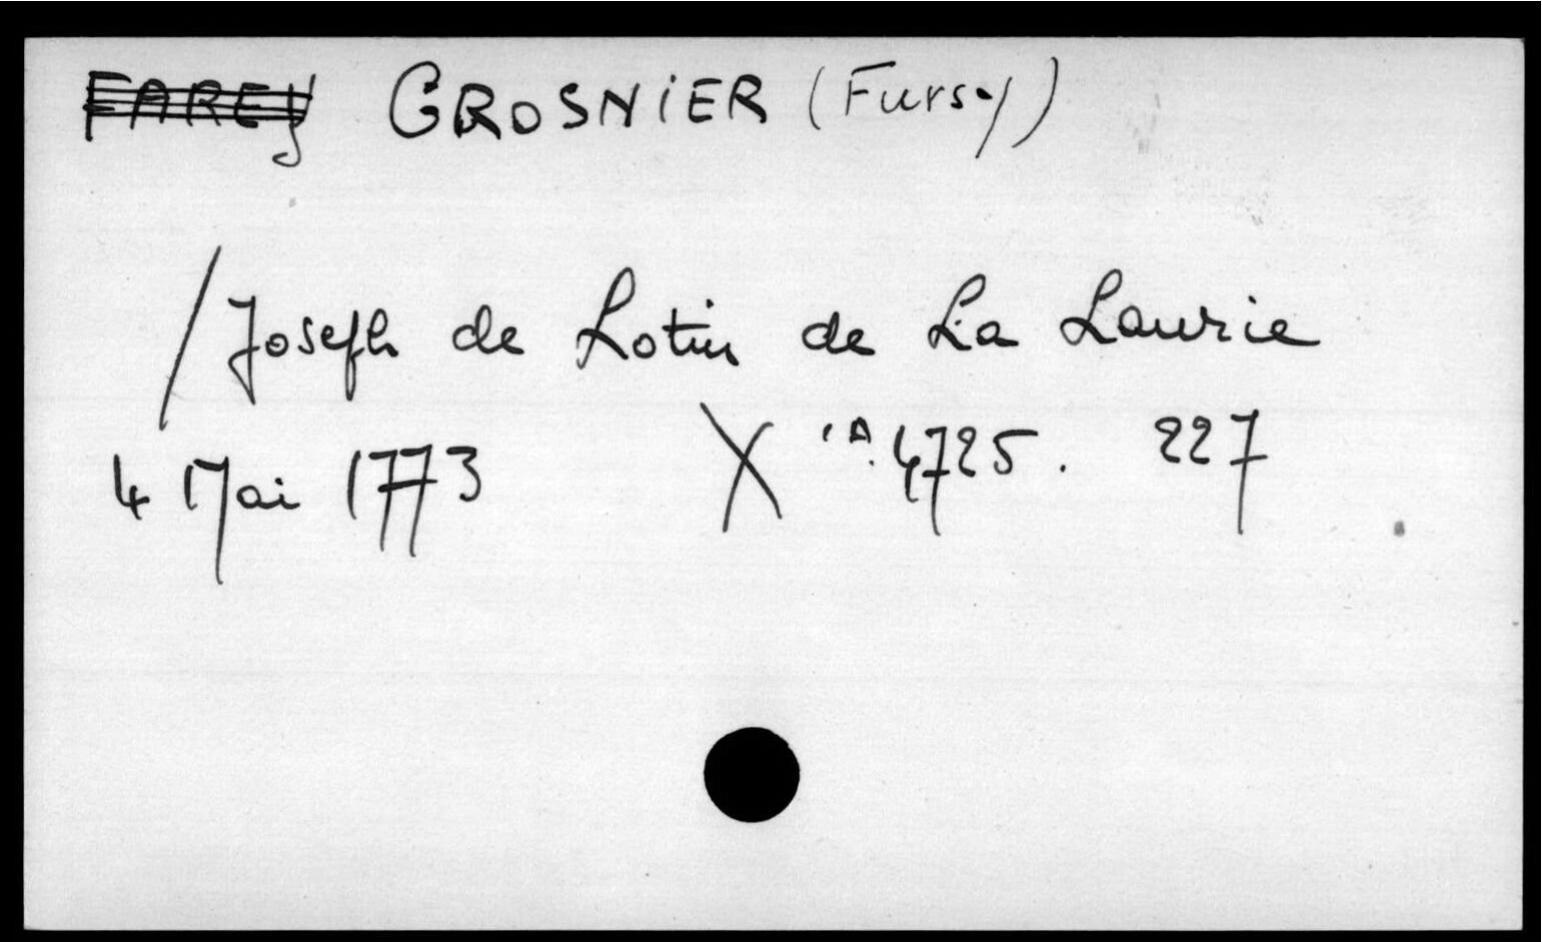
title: GROSNIER (Fursy)
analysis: Contre Joseph de Lotin de La Laurie
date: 4 mai 1773
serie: X1A
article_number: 4725
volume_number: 227
